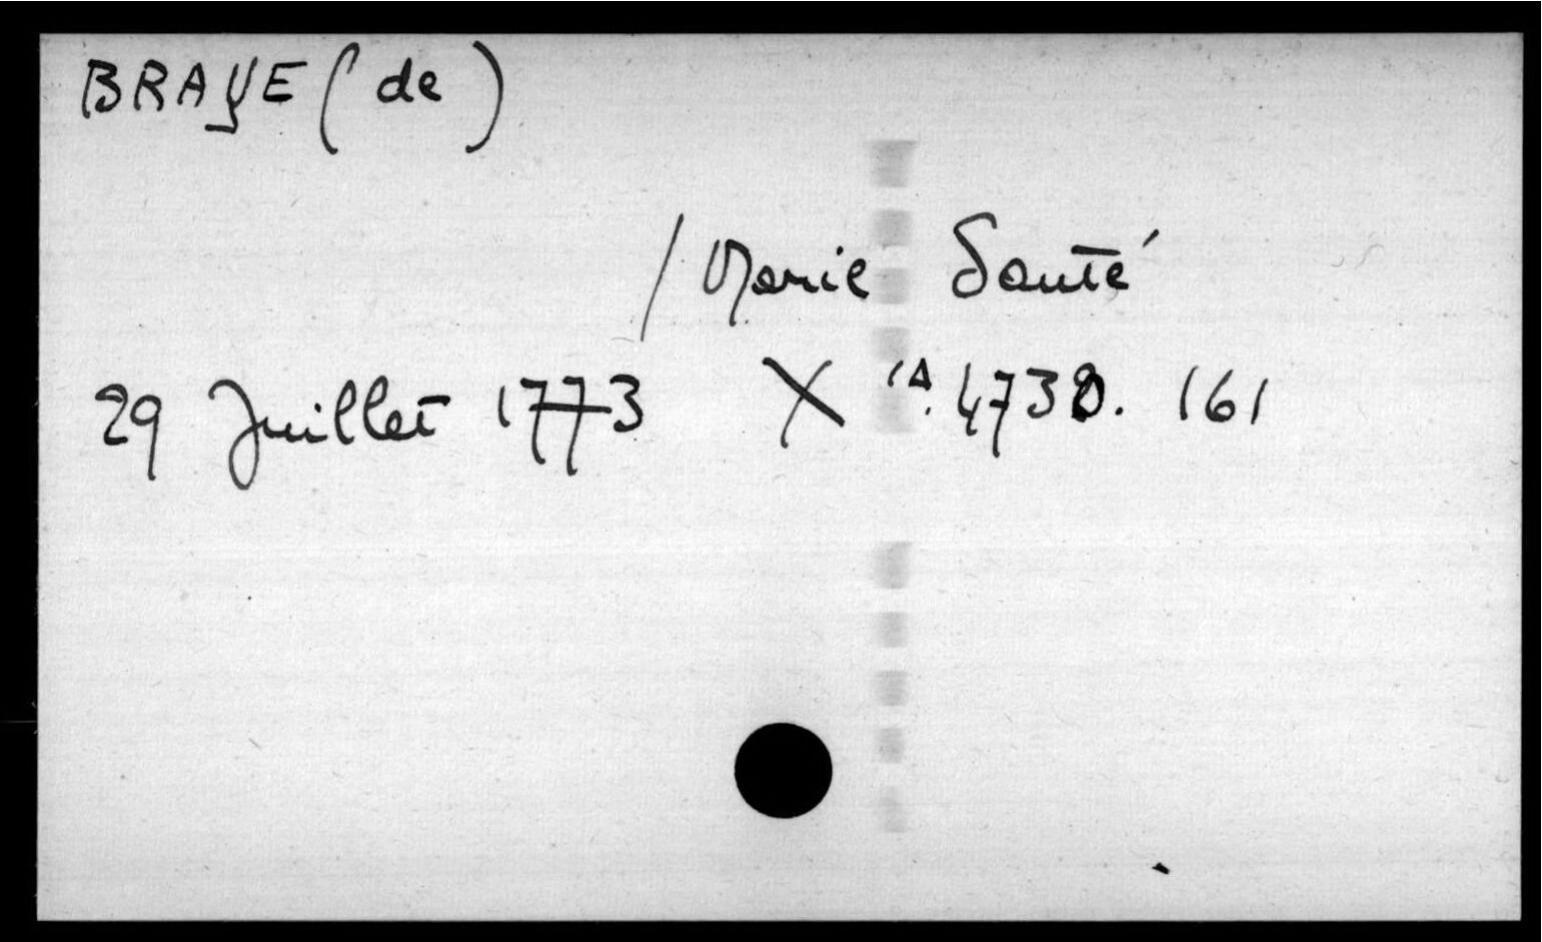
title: BRAYE (de)
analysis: Contre Marie Sauté
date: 29 juillet 1773
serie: X1A
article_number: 4730
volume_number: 161
